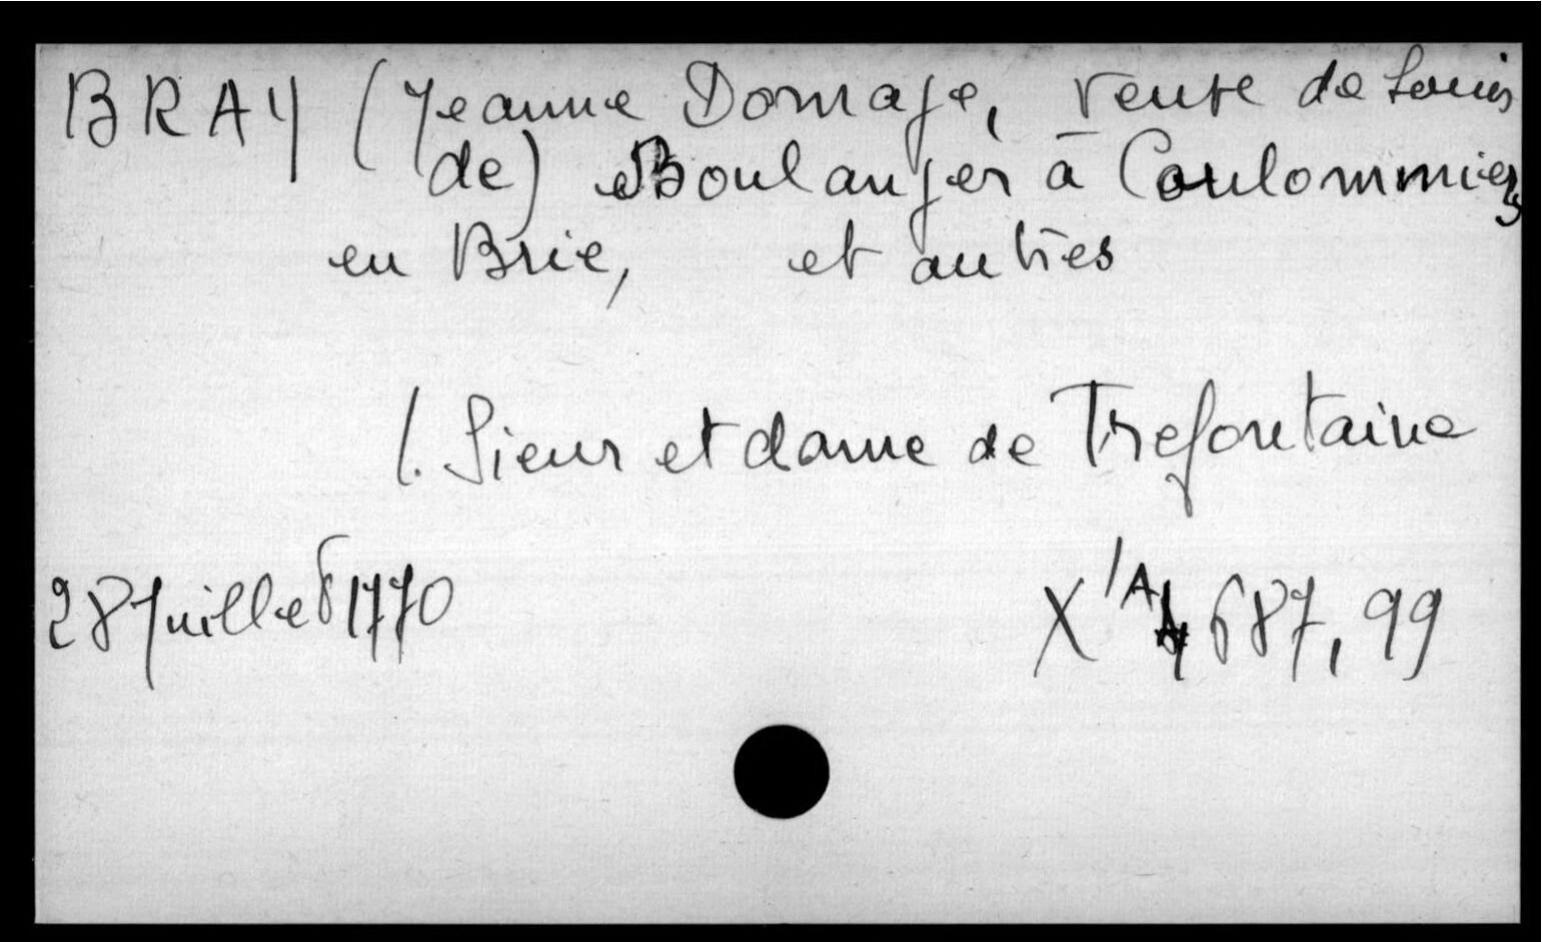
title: BRAY (Jeanne Domage, Veuve de Louis de) Boulanger à Coulomniers en Brie, et autres
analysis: Contre Sieur et dame de Trefontaine
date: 28 juillet 1770
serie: X1A
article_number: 4687
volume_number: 99
